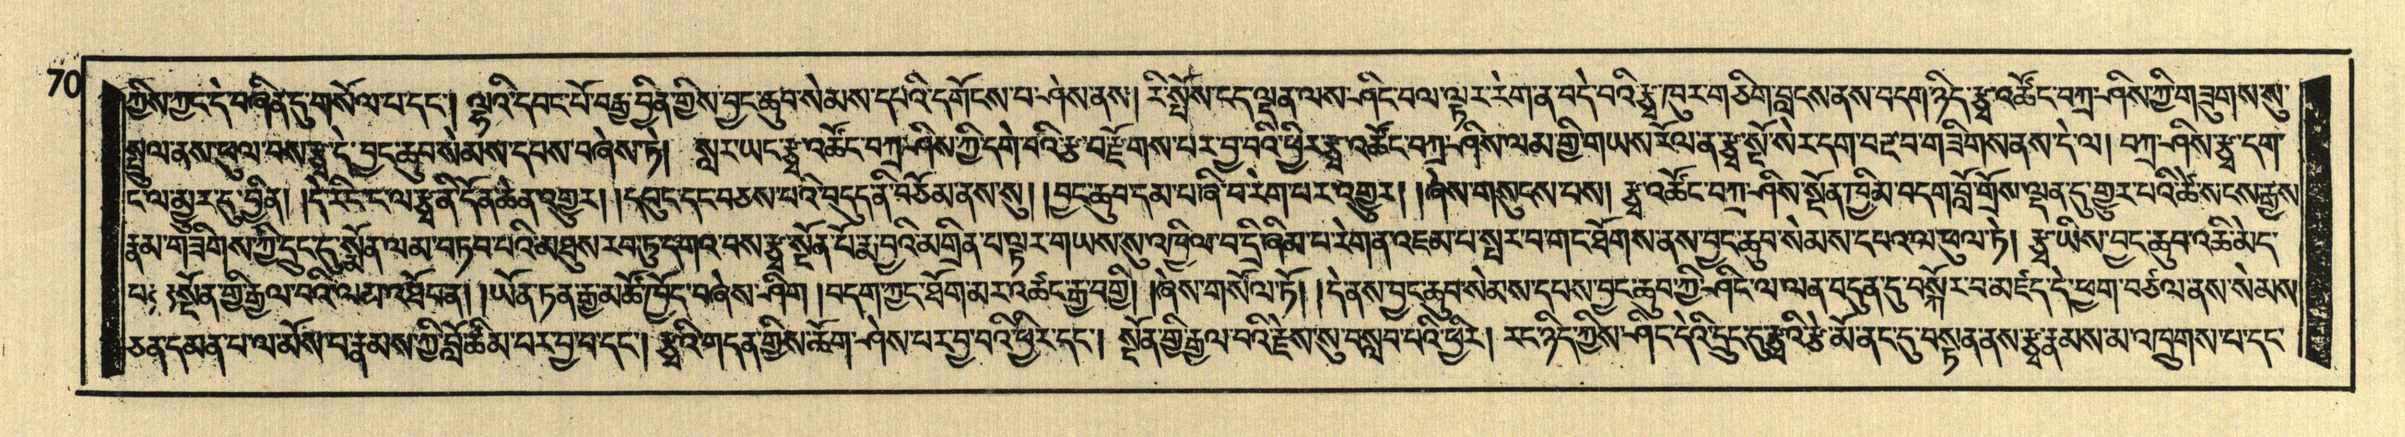ཀྱིས་ཀྱང་དེ་བཞིན་དུ་གསོལ་པ་དང་། ལྷའི་དབང་པོ་བརྒྱ་བྱིན་གྱིས་བྱང་ཆུབ་སེམས་དཔའི་དགོངས་པ་ཤེས་ནས། རི་སྤོས་ངད་ལྡན་པས་ཤིང་བལ་ལྟར་རེག་ན་བདེ་བའི་རྩྭ་ཁུར་གཅིག་བླངས་ནས་བདག་ཉིད་རྩྭ་འཚོང་བཀྲ་ཤིས་ཀྱི་གཟུགས་སུ་
སྤྲུལ་ནས་ཕུལ་བས་རྩྭ་དེ་བྱང་ཆུབ་སེམས་དཔས་བཞེས་ཏེ། སླར་ཡང་རྩྭ་འཚོང་བཀྲ་ཤིས་ཀྱི་དགེ་བའི་རྩ་བ་རྫོགས་པར་བྱ་བའི་ཕྱིར་རྩྭ་འཚོང་བཀྲ་ཤིས་ལམ་གྱི་གཡས་རོལ་ན་རྩྭ་སྔོ་སེར་དག་བརྡབ་གཟིགས་ནས་དེ་ལ། བཀྲ་ཤིས་རྩྭ་དག་
ང་ལ་མྱུར་དུ་བྱིན། །དེ་རིང་ང་ལ་རྩྭ་ནི་དོན་ཆེན་འགྱུར། །དབུང་དང་བཅས་པའི་བདུད་ནི་བཅོམ་ནས་སུ། །བྱང་ཆུབ་དམ་པ་ཞི་བ་རེག་པར་འགྱུར། །ཞེས་གསུངས་པས། རྩྭ་འཚོང་བཀྲ་ཤིས་སྔོན་ཁྱིམ་བདག་བློ་གྲོས་ལྡན་དུ་གྱུར་པའི་ཚེ་སངས་རྒྱས་
རྣམ་གཟིགས་ཀྱི་དྲུང་དུ་སྨོན་ལམ་བཏབ་པའི་མཐུས་རབ་ཏུ་དགའ་བས་རྩྭ་སྔོན་པོ་རྨ་བྱའི་མགྲིན་པ་ལྟར་གཡས་སུ་འཁྱིལ་བ་དྲི་ཞིམ་པ་རེག་ན་འཇམ་པ་སྤར་བ་གང་ཐོགས་ནས་བྱང་ཆུབ་སེམས་དཔའ་ལ་ཕུལ་ཏེ། རྩྭ་ཡིས་བྱང་ཆུབ་འཆི་མེད་
པ༑ ༑སྔོན་གྱི་རྒྱལ་བའི་ལམ་འཐོབ་ན། །ཡོན་ཏན་རྒྱ་མཚོ་ཁྱོད་བཞེས་ཤིག །བདག་ཀྱང་ཐོག་མར་འཚང་རྒྱ་བགྱི། །ཞེས་གསོལ་ཏོ། །དེ་ནས་བྱང་ཆུབ་སེམས་དཔས་བྱང་ཆུབ་ཀྱི་ཤིང་ལ་ལན་བདུན་དུ་བསྐོར་བ་མཛད་དེ་ཕྱག་བཙལ་ནས་སེམས་
ཅན་དམན་པ་ལ་མོས་བ་རྣམས་ཀྱི་བློ་ཚིམ་བར་བྱ་བ་དང་། རྩྭའི་གདན་གྱིས་ཆོག་ཤེས་པར་བྱ་བའི་ཕྱིར་དང་། སྔོན་གྱི་རྒྱལ་བའི་རྗེས་སུ་བསླབ་པའི་ཕྱིར། རང་ཉིད་ཀྱིས་ཤིང་དེའི་དྲུང་དུ་རྩྭའི་རྩེ་མོ་ནང་དུ་བསྟན་ནས་རྩྭ་རྣམས་མ་འཁྲུགས་པ་དང་